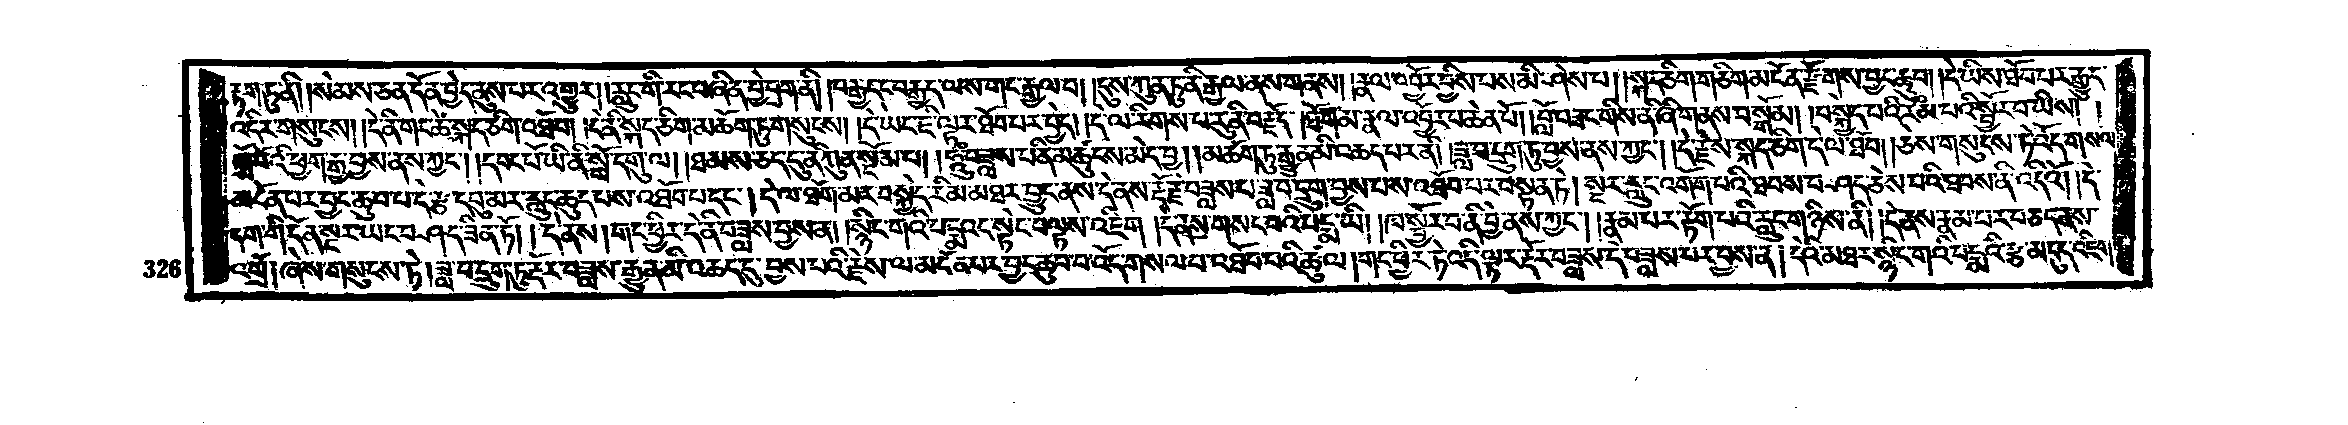རྟག་ཏུ་ནི། །སེམས་ཅན་དོན་བྱེད་ནུས་པར་འགྱུར། །རླུང་གི་རང་བཞིན་བྱེ་བྲག་ནི། །བརྒྱ་དང་བརྒྱད་ལས་གང་རྒྱལ་བ། །དུས་ཀུན་ཏུ་ནི་རྒྱལ་ནས་གནས། །རྣལ་འབྱོར་བྱིས་པས་མི་ཤེས་པ། །སྐད་གཅིག་མངོན་རྫོགས་བྱང་ཆུབ། །དེ་ཡིས་ཐོབ་པར་རྒྱུད་
འདིར་གསུངས། །དེ་ནི་གང་ཚེ་སྐད་ཅིག་འཐོབ། །དེ་ནི་སྐད་ཅིག་མཆོག་ཏུ་གསུངས། །དེ་ཡང་ཇི་ལྟར་ཐོབ་པར་བྱེད། །དེ་ལ་རིགས་པ་རུ་ནི་བརྗོད། ཐོག་མ་རྣལ་འབྱོར་པ་ཆེན་པོ། །བློ་བཟང་གིས་ནི་ཞི་གནས་བསྒོམ། །བསྐྱེད་པའི་རིམ་པའི་སྦྱོར་བ་ཡིས། །
ཁྲོ་བོའི་ཕྱག་རྒྱ་བྱས་ནས་ཀྱང་། །དབང་པོ་ཡི་ནི་སྒོ་དགུ་ལ། །ཐམས་ཅད་དུ་ནི་ཀུན་སྡོམ་པ། །ཧཱུཾ་བཟླས་པ་ནི་མཚུངས་མེད་བྱ། །མཆོག་ཏུ་རྒྱུན་མི་འཆད་པར་ནི། །ཟླ་བ་དྲུག་ཏུ་བྱས་ནས་ཀྱང་། །དེ་རྗེས་སྐད་ཅིག་དེ་ལ་ཐོབ། །ཅེས་གསུངས་ཏེ་འོད་གསལ་
མངོན་པར་བྱང་ཆུབ་པ་དེ་རྩ་དབུ་མར་རླུད་ཆུད་པས་འཐོབ་པ་དང་། དེ་ལ་ཐོག་མར་བསྐྱེད་རིམ་མཐར་བྱུང་ནས་དེ་ནས་རྡོ་རྗེ་བཟླས་པ་ཟླ་བ་དྲུག་བྱས་པས་འཐོབ་པར་བསྟན་ཏེ། སྔར་རླུང་འགོག་པའི་ཐབས་བཤད་ཅེས་པའི་ཐབས་ནི་འདིའོ། །དེ་
དག་གི་དོན་སྔར་ཡང་བཤད་ཟིན་ཏོ། །དེ་ནས། གང་ཕྱིར་དེ་ནི་བཟླས་བྱས་ན། །སྙིང་གའི་པདམའང་སྟེང་བལྟས་འཇིག །དེ་ནས་གསང་བའི་པདམ་ཡི། །ཁ་སྦྱོར་བ་ནི་བྱེ་ནས་ཀྱང་། །རྣམ་པར་རྟོག་པའི་རླུང་གཉིས་ནི། །དེ་ནས་རྣམ་པར་བཤད་ནས་
འགྲོ་།ཞེས་གསུངས་ཏེ། ཟླ་བ་དྲུག་ཏུ་རྡོར་བཟླས་རྒྱུན་མི་འཆད་དུ་བྱས་པའི་རྗེས་ལ་མངོན་པར་བྱང་ཆུབ་པ་འོད་གསལ་པ་འཐོབ་པའི་ཚུལ། །གང་ཕྱིར་ཏེ་འདི་ལྟར་རྡོར་བཟླས་དེ་བཟླས་པར་བྱས་ན། དེའི་མཐར་སྙིང་གའི་པདམའི་རྩ་མདུད་འཇིག་